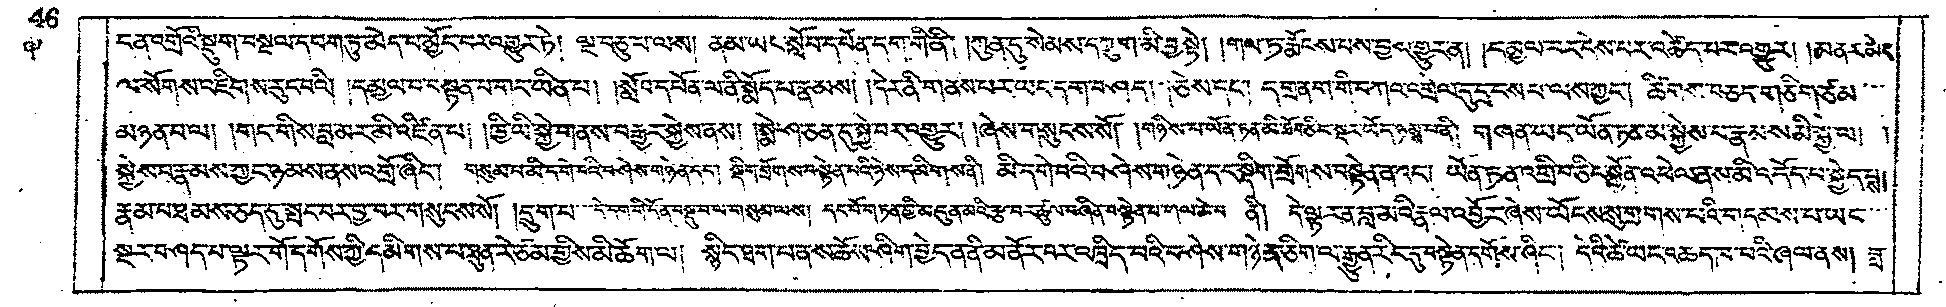ངན་འགྲོའི་སྡུག་བསྔལ་དཔག་ཏུ་མེད་པ་མྱོང་བར་འགྱུར་ཏེ། ལྔ་བཅུ་པ་ལས། ནམ་ཡང་སློབ་དཔོན་དག་གི་ནི། །ཀུན་དུ་སེམས་དཀྲུག་མི་བྱ་སྟེ། །གལ་ཏེ་རྨོངས་པས་བྱས་གྱུར་ན། །དམྱལ་བར་ངེས་པར་འཚེད་པར་འགྱུར། མནར་མེད་
ལ་སོགས་འཇིགས་རུང་བའི། །དམྱལ་བ་བསྟན་པ་གང་ཡིན་པ། །སློབ་དཔོན་ལ་ནི་སྨོད་པ་རྣམས། །དེར་ནི་གནས་པར་ཡང་དག་བཤད། །ཅེས་དང་། དགྲ་ནག་གི་བཀའ་འགྲེལ་དུ་དྲངས་པ་ལས་ཀྱང་། ཚིགས་བཅད་གཅིག་ཙམ་
མཉན་པ་ལ། །གང་གིས་བླ་མར་མི་འཛིན་པ། །ཁྱི་ཡི་སྐྱེ་གནས་བརྒྱར་སྐྱེས་ནས། །སྨེ་ཤ་ཅན་དུ་སྐྱེ་བར་འགྱུར། །ཞེས་གསུངས་སོ། ། གཉིས་པ་ཡོན་ཏན་མི་ཐོབ་ཅིང་སྔར་ཡོད་ཉམས་པ་ནི། གཞན་ཡང་ཡོན་ཏན་མ་སྐྱེས་པ་རྣམས་མི་སྐྱེ་ལ། །
སྐྱེས་པ་རྣམས་ཀྱང་ཉམས་ནས་འགྲོ་ཞིང་། གསུམ་པ་མི་དགེ་བའི་བཤེས་གཉེན་དང་། སྡིག་གྲོགས་བསྟེན་པའི་ཉེས་དམིགས་ནི། མི་དགེ་བའི་བཤེས་གཉེན་དང་སྡིག་གྲོགས་བསྟེན་ནའང་། ཡོན་ཏན་འགྲིབ་ཅིང་སྐྱོན་འཕེལ་ནས་མི་འདོད་པ་སྐྱེད་པས།
རྣམ་པ་ཐམས་ཅད་དུ་སྤང་བར་བྱ་བར་གསུངས་སོ། །དྲུག་པདེ་དག་གི་དོན་བསྡུ་བ་ལ་གསུམ་ལས། དང་པོ་གཏན་གྱི་མདུན་མའི་རྩ་བར་ཚུལ་བཞིན་བསྟེན་པ་གལ་ཆེ་བ་ནི། དེ་ལྟར་ན་བླ་མའི་རྣལ་འབྱོར་ཞེས་ཡོངས་སུ་གྲགས་པའི་གདམས་པ་ཡང་
སྔར་བཤད་པ་ལྟར་གོ་དགོས་ཀྱི་དམིགས་པ་ཐུན་རེ་ཙམ་གྱིས་མི་ཆོག་ལ། སྙིང་ཐག་པ་ནས་ཆོས་ཤིག་བྱེད་ན་ནི་མ་ནོར་བར་འཁྲིད་པའི་བཤེས་གཉེན་ཅིག་ལ་རྒྱུན་རིང་དུ་བསྟེན་དགོས་ཤིང་། དེའི་ཚེ་ཡང་འཆད་ཁ་བའི་ཞལ་ནས། བླ་